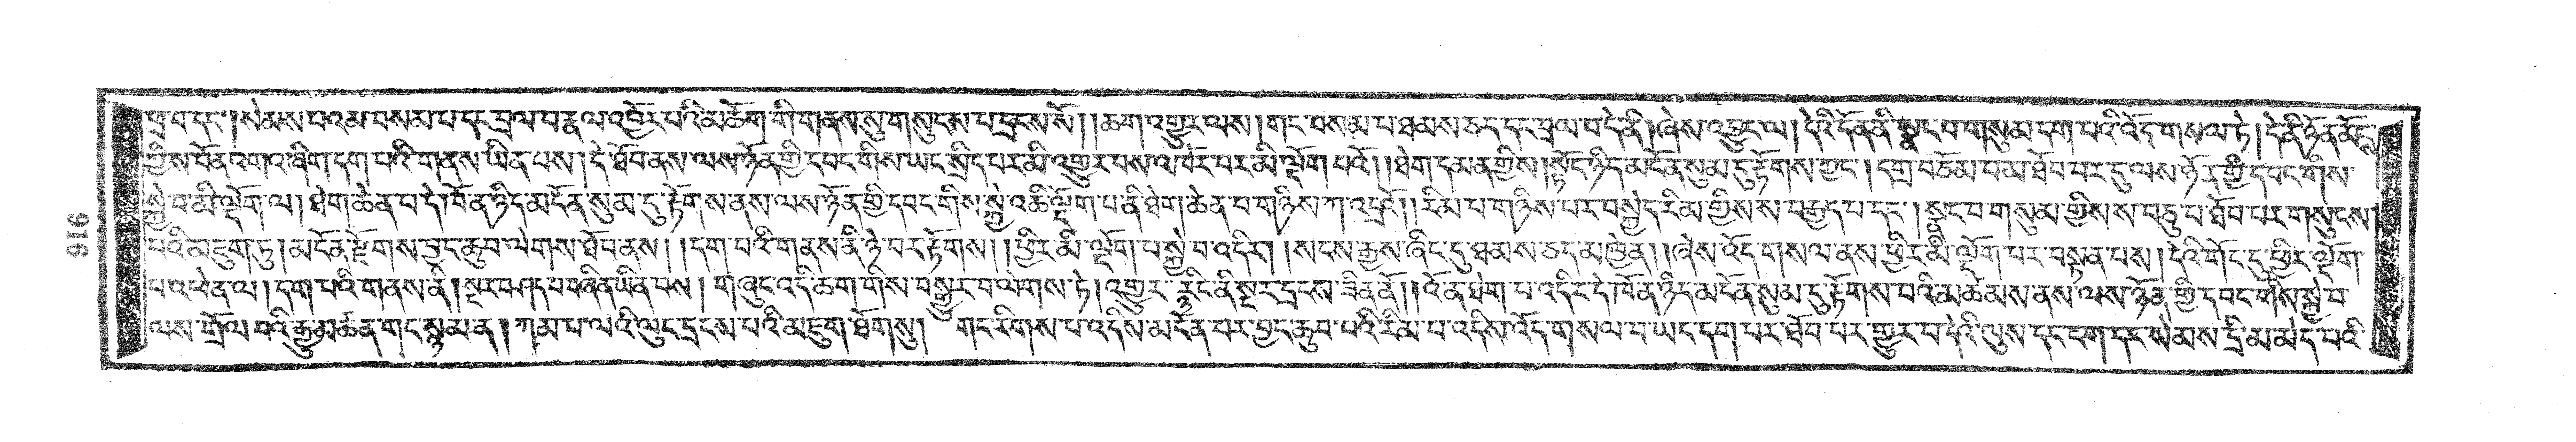ཕྲ་བ་དང་། སེམས་པའམ་བསམ་པ་དང་བྲལ་བ་རྣལ་འབྱོར་པའི་མཆོག་གི་གནས་སུ་གསུངས་པ་དྲངས་སོ། །ཆག་འགྱུར་ལས། གང་བསམ་པ་ཐམས་ཅད་དང་བྲལ་བ་དེ་ནི། ཞེས་འབྱུང་ལ། དེའི་དོན་ནི་སྣང་བ་གསུམ་དག་པའི་འོད་གསལ་ཏེ། དེ་ནི་ཉོན་མོངས་
ཀྱི་ས་བོན་འགའ་ཞིག་དག་པའི་གནས་ཡིན་པས། དེ་ཐོབ་ནས་ལས་ཉོན་གྱི་དབང་གིས་ཡང་སྲིད་པར་མི་འགྱུར་བས་འཁོར་བར་མི་ལྡོག་པའོ། །ཐེག་དམན་གྱིས། སྟོང་ཉིད་མངོན་སུམ་དུ་རྟོགས་ཀྱང་། དགྲ་བཅོམ་པ་མ་ཐོབ་བར་དུ་ལས་ཉོན་གྱི་དབང་གིས་
སྐྱེ་བ་མི་ལྡོག་ལ། ཐེག་ཆེན་པ་དེ་ཁོ་ན་ཉིད་མངོན་སུམ་དུ་རྟོགས་ནས་ལས་ཉོན་གྱི་དབང་གིས་སྐྱེ་འཆི་ལྡོག་པ་ནི་ཐེག་ཆེན་པ་གཉིས་ཀ་འདྲའོ། །རིམ་པ་གཉིས་པར་བསྐྱེད་རིམ་གྱིས་ས་བརྒྱད་པ་དང་། སྣང་བ་གསུམ་གྱིས་ས་བཅུ་པ་ཐོབ་པར་གསུངས་
པའི་མཇུག་ཏུ། མངོན་རྫོགས་བྱང་ཆུབ་ལེགས་ཐོབ་ནས། །དག་པའི་གནས་ནི་ཉེ་བར་རྟོགས། །ཕྱིར་མི་ལྡོག་པ་སྐྱེ་བ་འདིར། །སངས་རྒྱས་ཞིང་དུ་ཐམས་ཅད་མཁྱེན། །ཞེས་འོད་གསལ་ནས་ཕྱིར་མི་ལྡོག་པར་བསྟན་པས། དེའི་གོང་དུ་ཕྱིར་ལྡོག་
པ་འཕེན་ལ། དག་པའི་གནས་ནི། སྔར་བཤད་པ་བཞིན་ཡིན་པས། གཞུང་འདི་ཆག་གིས་བསྒྱུར་བ་ལེགས་ཏེ། འགྱུར་རྙིང་ནི་སྔར་དྲངས་ཟིན་ནོ། །འོ་ན་ཐེག་པ་འདིར་དེ་ཁོ་ན་ཉིད་མངོན་སུམ་དུ་རྟོགས་པའི་མཚམས་ནས་ལས་ཉོན་གྱི་དབང་གིས་སྐྱེ་བ་
ལས་གྲོལ་བའི་རྒྱུ་མཚན་གང་སྙམ་ན། ཀམ་པ་ལའི་ལུང་དྲངས་པའི་མཇུག་ཐོགས་སུ། གང་རིགས་པ་འདིས་མངོན་པར་བྱང་ཆུབ་པའི་རིམ་པ་འདིས་འོད་གསལ་བ་ཡང་དག་པར་ཐོབ་པར་གྱུར་པ་དེའི་ལུས་དང་ངག་དང་སེམས་དྲི་མ་མེད་པའི་